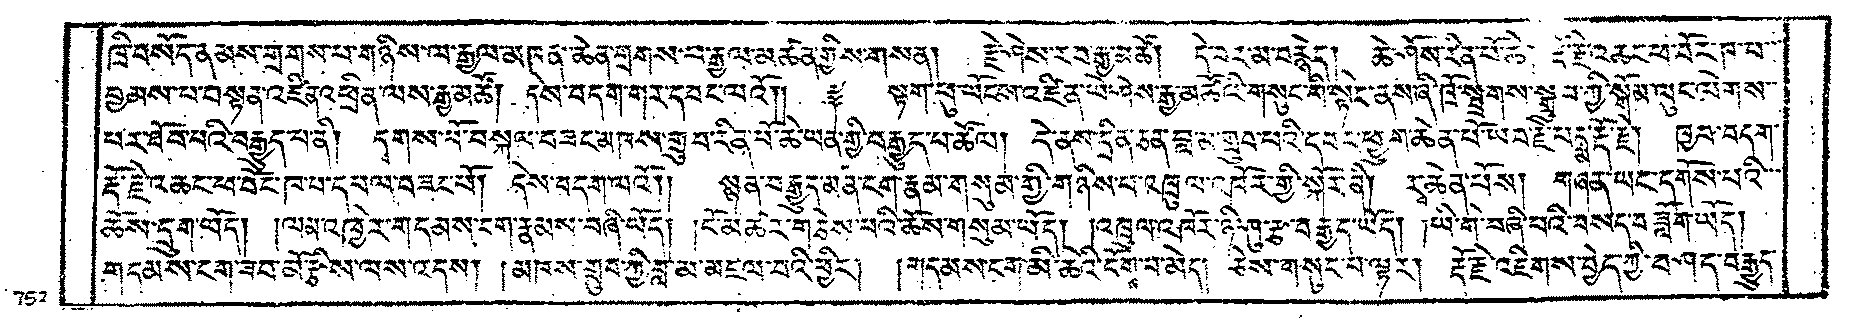ཁྲི་བསོད་ནམས་གྲགས་པ་གཉིས་ལ་རྒྱལ་མཁན་ཆེན་གྲགས་པ་རྒྱལ་མཚན་གྱིས་གསན། རྗེ་ཤེས་རབ་རྒྱ་མཚོ། དེ་བར་མ་བརྙེད། ཆེ་ཤོས་རིན་པོ་ཆེ། རྡོ་རྗེ་འཆང་ཕ་བོང་ཁ་པ་
བྱམས་པ་བསྟན་འཛིན་འཕྲིན་ལས་རྒྱ་མཚོ། དེས་བདག་གར་དབང་ལའོ།། ༈ སྟག་ཕུ་ཡོངས་འཛིན་ཡེ་ཤེས་རྒྱ་མཚོའི་གསུང་གི་སྟེང་ནས་ཞི་ཁྲོ་སྦྲགས་སྒྲུབ་ཀྱི་སྒོམ་ལུང་ལེགས་
པར་ཐོབ་པའི་བརྒྱུད་པ་ནི། དྭགས་པོ་བསྐལ་བཟང་མཁས་གྲུབ་རིན་པོ་ཆེ་ཡན་གྱི་བརྒྱུད་པ་ཚོལ། དེ་ནས་དྲིན་ཅན་བླ་མ་གྲུབ་པའི་དབང་ཕྱུག་ཆེན་པོ་ཡབ་རྗེ་པདམ་རྡོ་རྗེ། ཁྱབ་བདག་
རྡོ་རྗེ་འཆང་ཕ་བོང་ཁ་པ་དཔལ་བཟང་པོ། དེས་བདག་ལའོ།། སྙན་བརྒྱུད་མན་ངག་རྣམ་གསུམ་གྱི་གཉིས་པ་འཁྲུལ་འཁོར་གྱི་སྐོར་ནི། རྭ་ཆེན་པོས། གཞན་ཡང་དགོས་པའི་
ཆོས་དྲུག་ཡོད། །ལམ་འཁྱེར་གདམས་ངག་རྣམས་བཞི་ཡོད། །ངོ་མཚར་གཅེས་པའི་ཆོས་གསུམ་ཡོད། །འཁྲུལ་འཁོར་ཉི་ཤུ་རྩ་བརྒྱད་ཡོད། །ཡི་གེ་བཞི་པའི་བསད་བཟློག་ཡོད།
གདམས་ངག་ཟབ་མོ་རྩིས་ལས་འདས། །མཁས་གྲུབ་ཀྱི་བླ་མ་མཇལ་བའི་ཕྱིར། །གདམས་ངག་མི་ཆེའི་དོགས་པ་མེད། ཅེས་གསུང་པ་ལྟར། རྡོ་རྗེ་འཇིགས་བྱེད་ཀྱི་བཤད་བརྒྱུད་